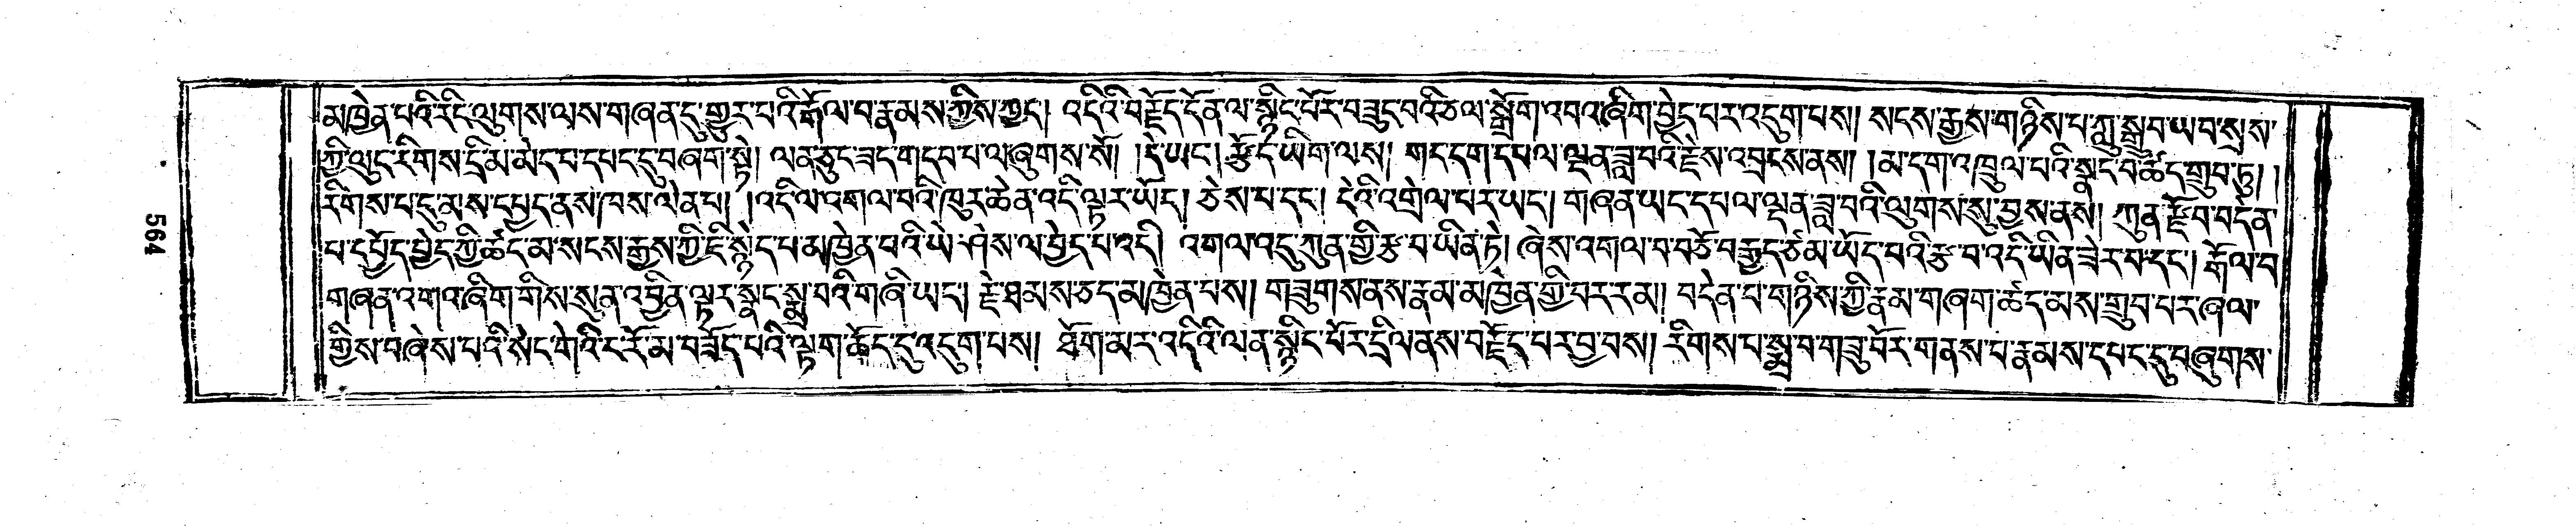མཁྱེན་པའི་རིང་ལུགས་ལས་གཞན་དུ་གྱུར་པའི་རྒོལ་བ་རྣམས་ཀྱིས་ཀྱང་། འདིའི་བརྗོད་དོན་ལ་སྙིང་པོར་བཟུང་བའི་ཅལ་སྒྲོག་འབའ་ཞིག་བྱེད་པར་འདུག་པས། སངས་རྒྱས་གཉིས་པ་ཀླུ་སྒྲུབ་ཡབ་སྲས་
ཀྱི་ལུང་རིགས་དྲི་མ་མེད་པ་དཔང་དུ་བཞག་སྟེ། ལན་ཅུང་ཟད་གདབ་པ་ལ་ཞུགས་སོ། །དེ་ཡང་། རྩོད་ཡིག་ལས། གང་དག་དཔལ་ལྡན་ཟླ་བའི་རྗེས་འབྲངས་ནས། །མ་དག་འཁྲུལ་པའི་སྣང་བ་ཚད་གྲུབ་ཏུ། །
རིགས་པ་དུ་མས་དཔྱད་ནས་ཁས་ལེན་པ། །འདི་ལ་འགལ་བའི་ཁུར་ཆེན་འདི་ལྟར་ཡོད། ཅེས་པ་དང་། དེའི་འགྲེལ་པར་ཡང་། གཞན་ཡང་དཔལ་ལྡན་ཟླ་བའི་ལུགས་སུ་བྱས་ནས། ཀུན་རྫོབ་བདེན་
པ་དཔྱོད་བྱེད་ཀྱི་ཚད་མ་སངས་རྒྱས་ཀྱི་ཇི་སྙེད་པ་མཁྱེན་པའི་ཡེ་ཤེས་ལ་བྱེད་པ་འདི། འགལ་འདུ་ཀུན་གྱི་རྩ་བ་ཡིན་ཏེ། ཞེས་འགལ་བ་བཅོ་བརྒྱད་ཙམ་ཡོད་པའི་རྩ་བ་འདི་ཡིན་ཟེར་བ་དང་། རྒོལ་བ་
གཞན་འགའ་ཞིག་གིས་སུན་འབྱིན་ལྟར་སྣང་སྨྲ་བའི་གཞི་ཡང་། རྗེ་ཐམས་ཅད་མཁྱེན་པས། གཟུགས་ནས་རྣམ་མཁྱེན་གྱི་བར་རམ། བདེན་པ་གཉིས་ཀྱི་རྣམ་གཞག་ཚད་མས་གྲུབ་པར་ཞལ་
གྱིས་བཞེས་པའི་སེང་གེའི་ང་རོ་མ་བཟོད་པའི་ལྟག་ཆོད་དུ་འདུག་པས། ཐོག་མར་འདིའི་ལན་སྙིང་པོར་དྲིལ་ནས་བརྗོད་པར་བྱ་བས། རིགས་པ་སྨྲ་བ་གཟུ་བོར་གནས་པ་རྣམས་དཔང་དུ་བཞུགས་